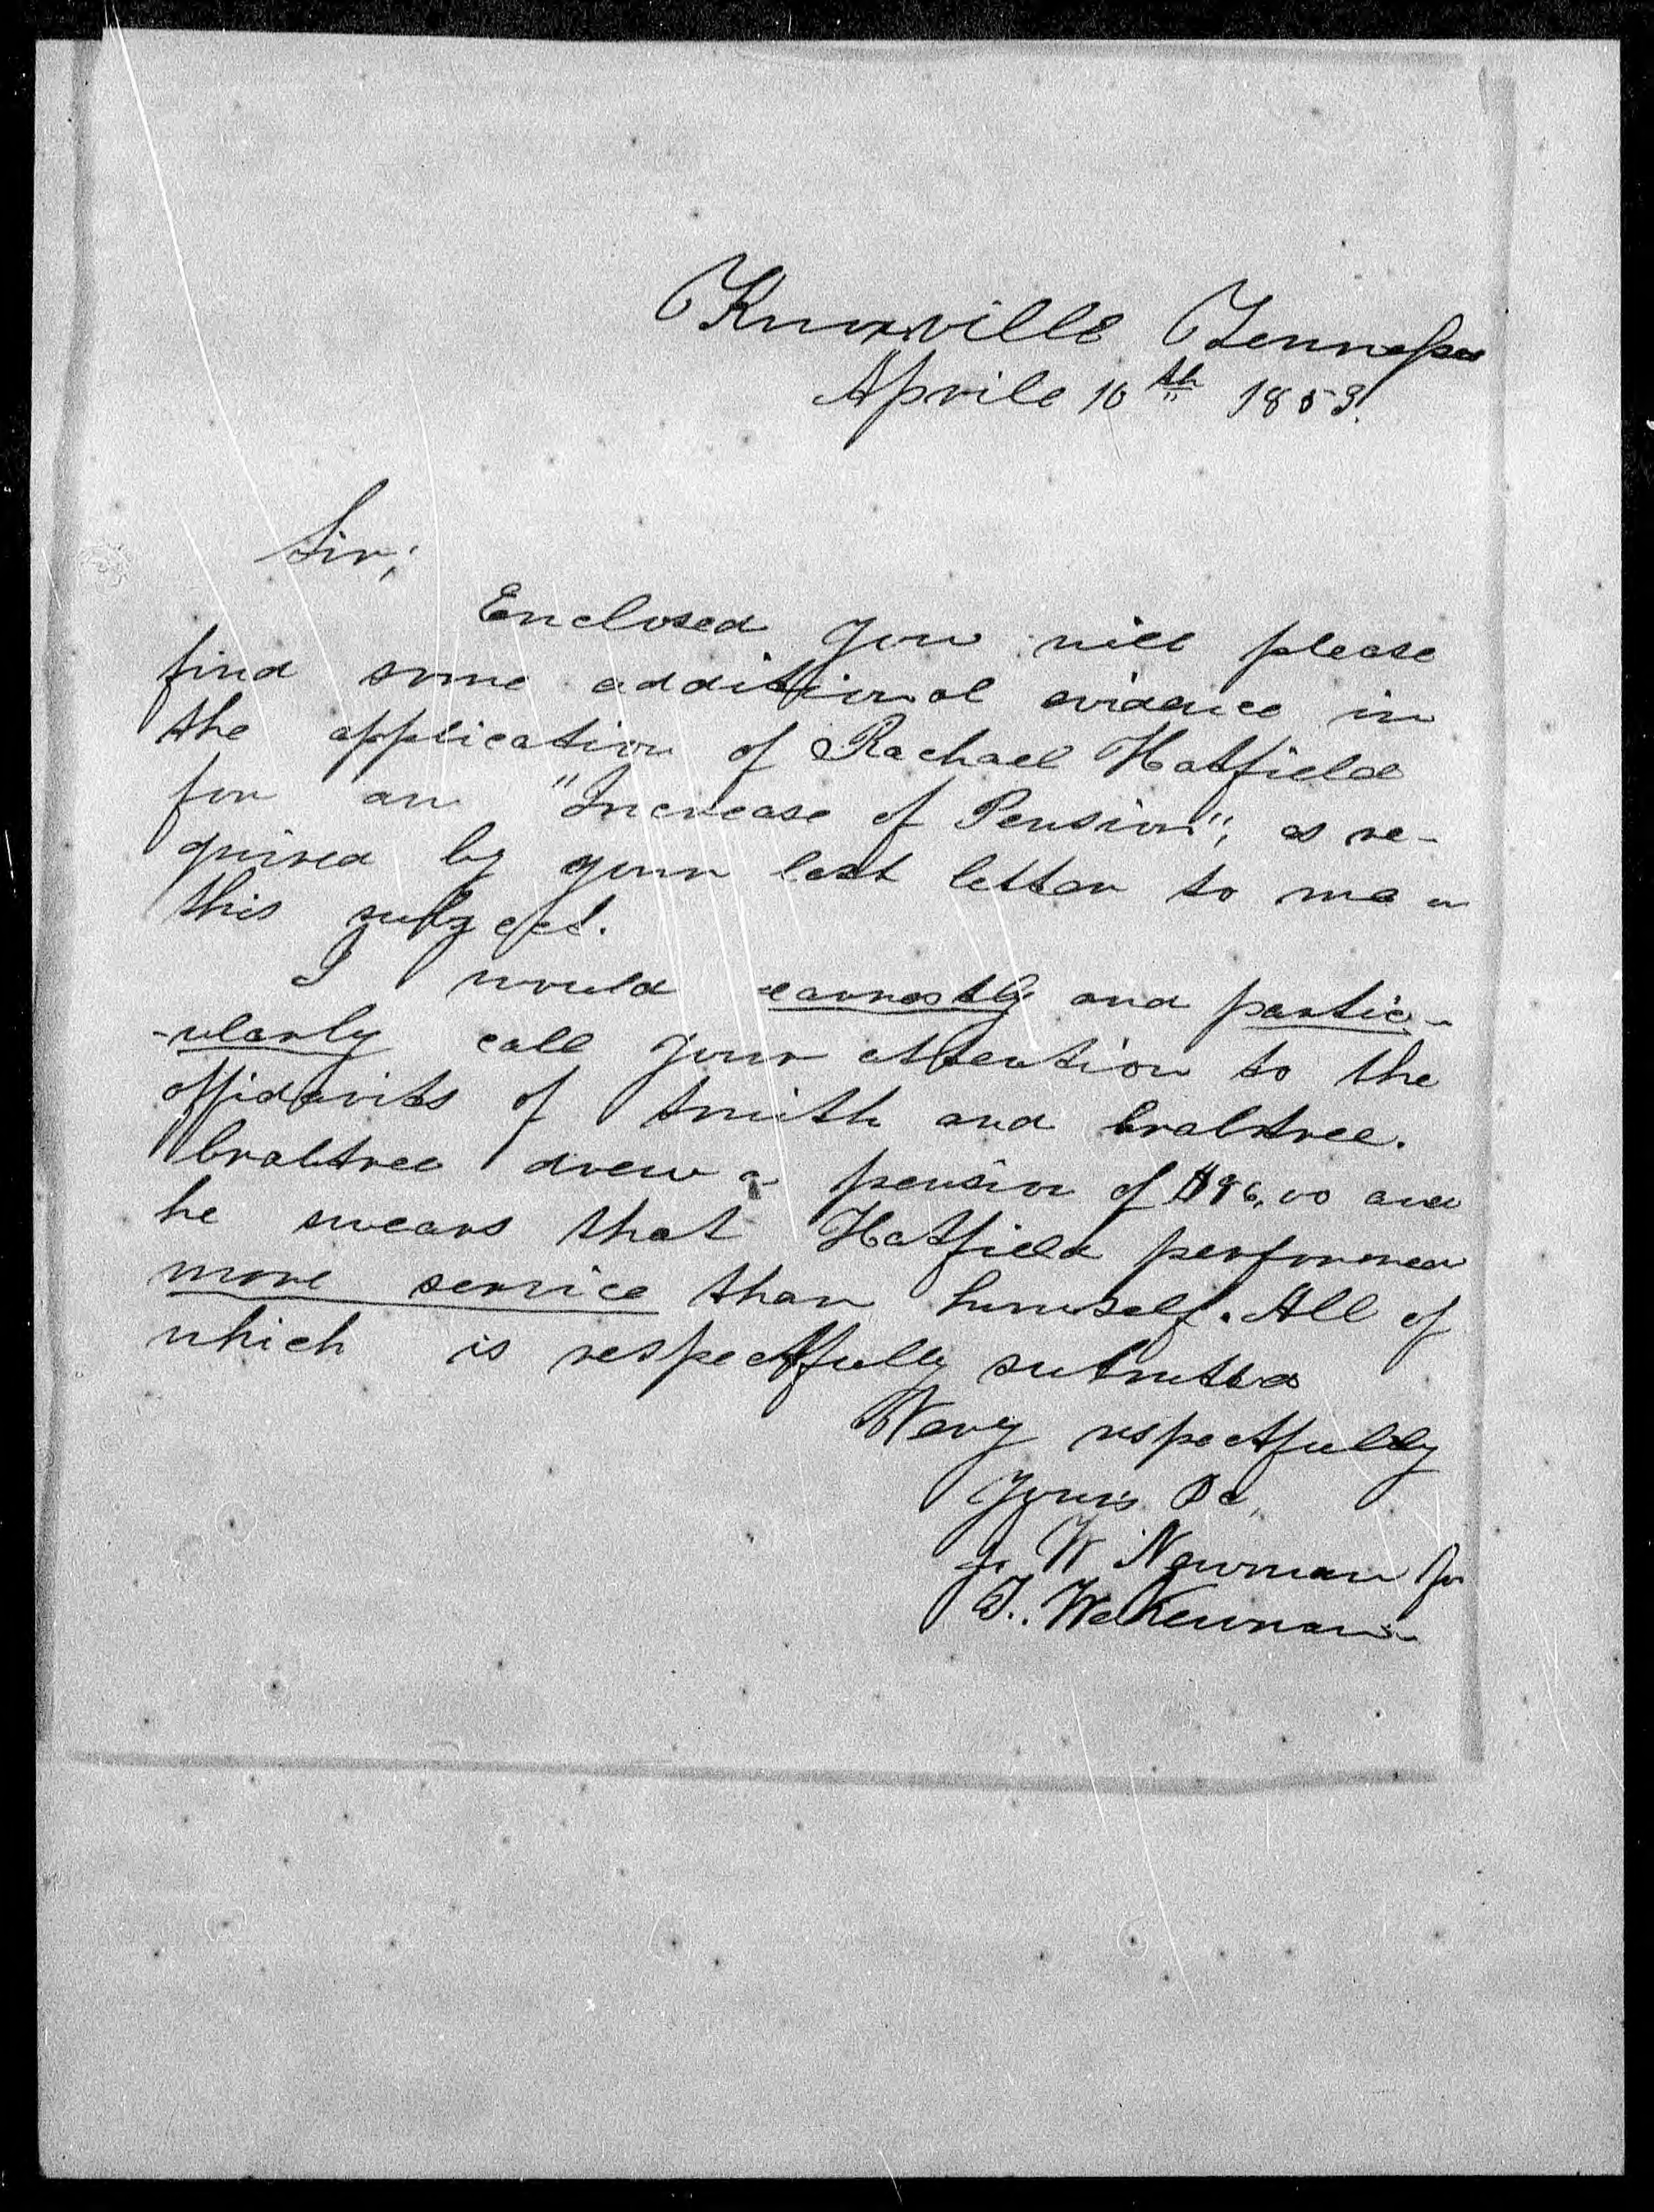Knoxville Tennessee
April 10th 1853.

Sir;
Enclosed you will please find some additional evidence in the application of Rachel Hatfield
for an "Increase of Pension", as required by your last letter to me on this subject.
I would earnestly and particularly call your attention to the affidavits of Smith and Crabtree. Crabtree drew a pension of $96.00 and he swears that Hatfield performed
more service than himself. All of which is respectfully submitted
Very respectfully
Your's &c,
J W Newman for
T. W. Newman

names: Rachael Hatfield, J W Newman, T W Newman, Hatfield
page: 11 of 74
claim: widow's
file: W. 5, Joseph Hatfield, Va.